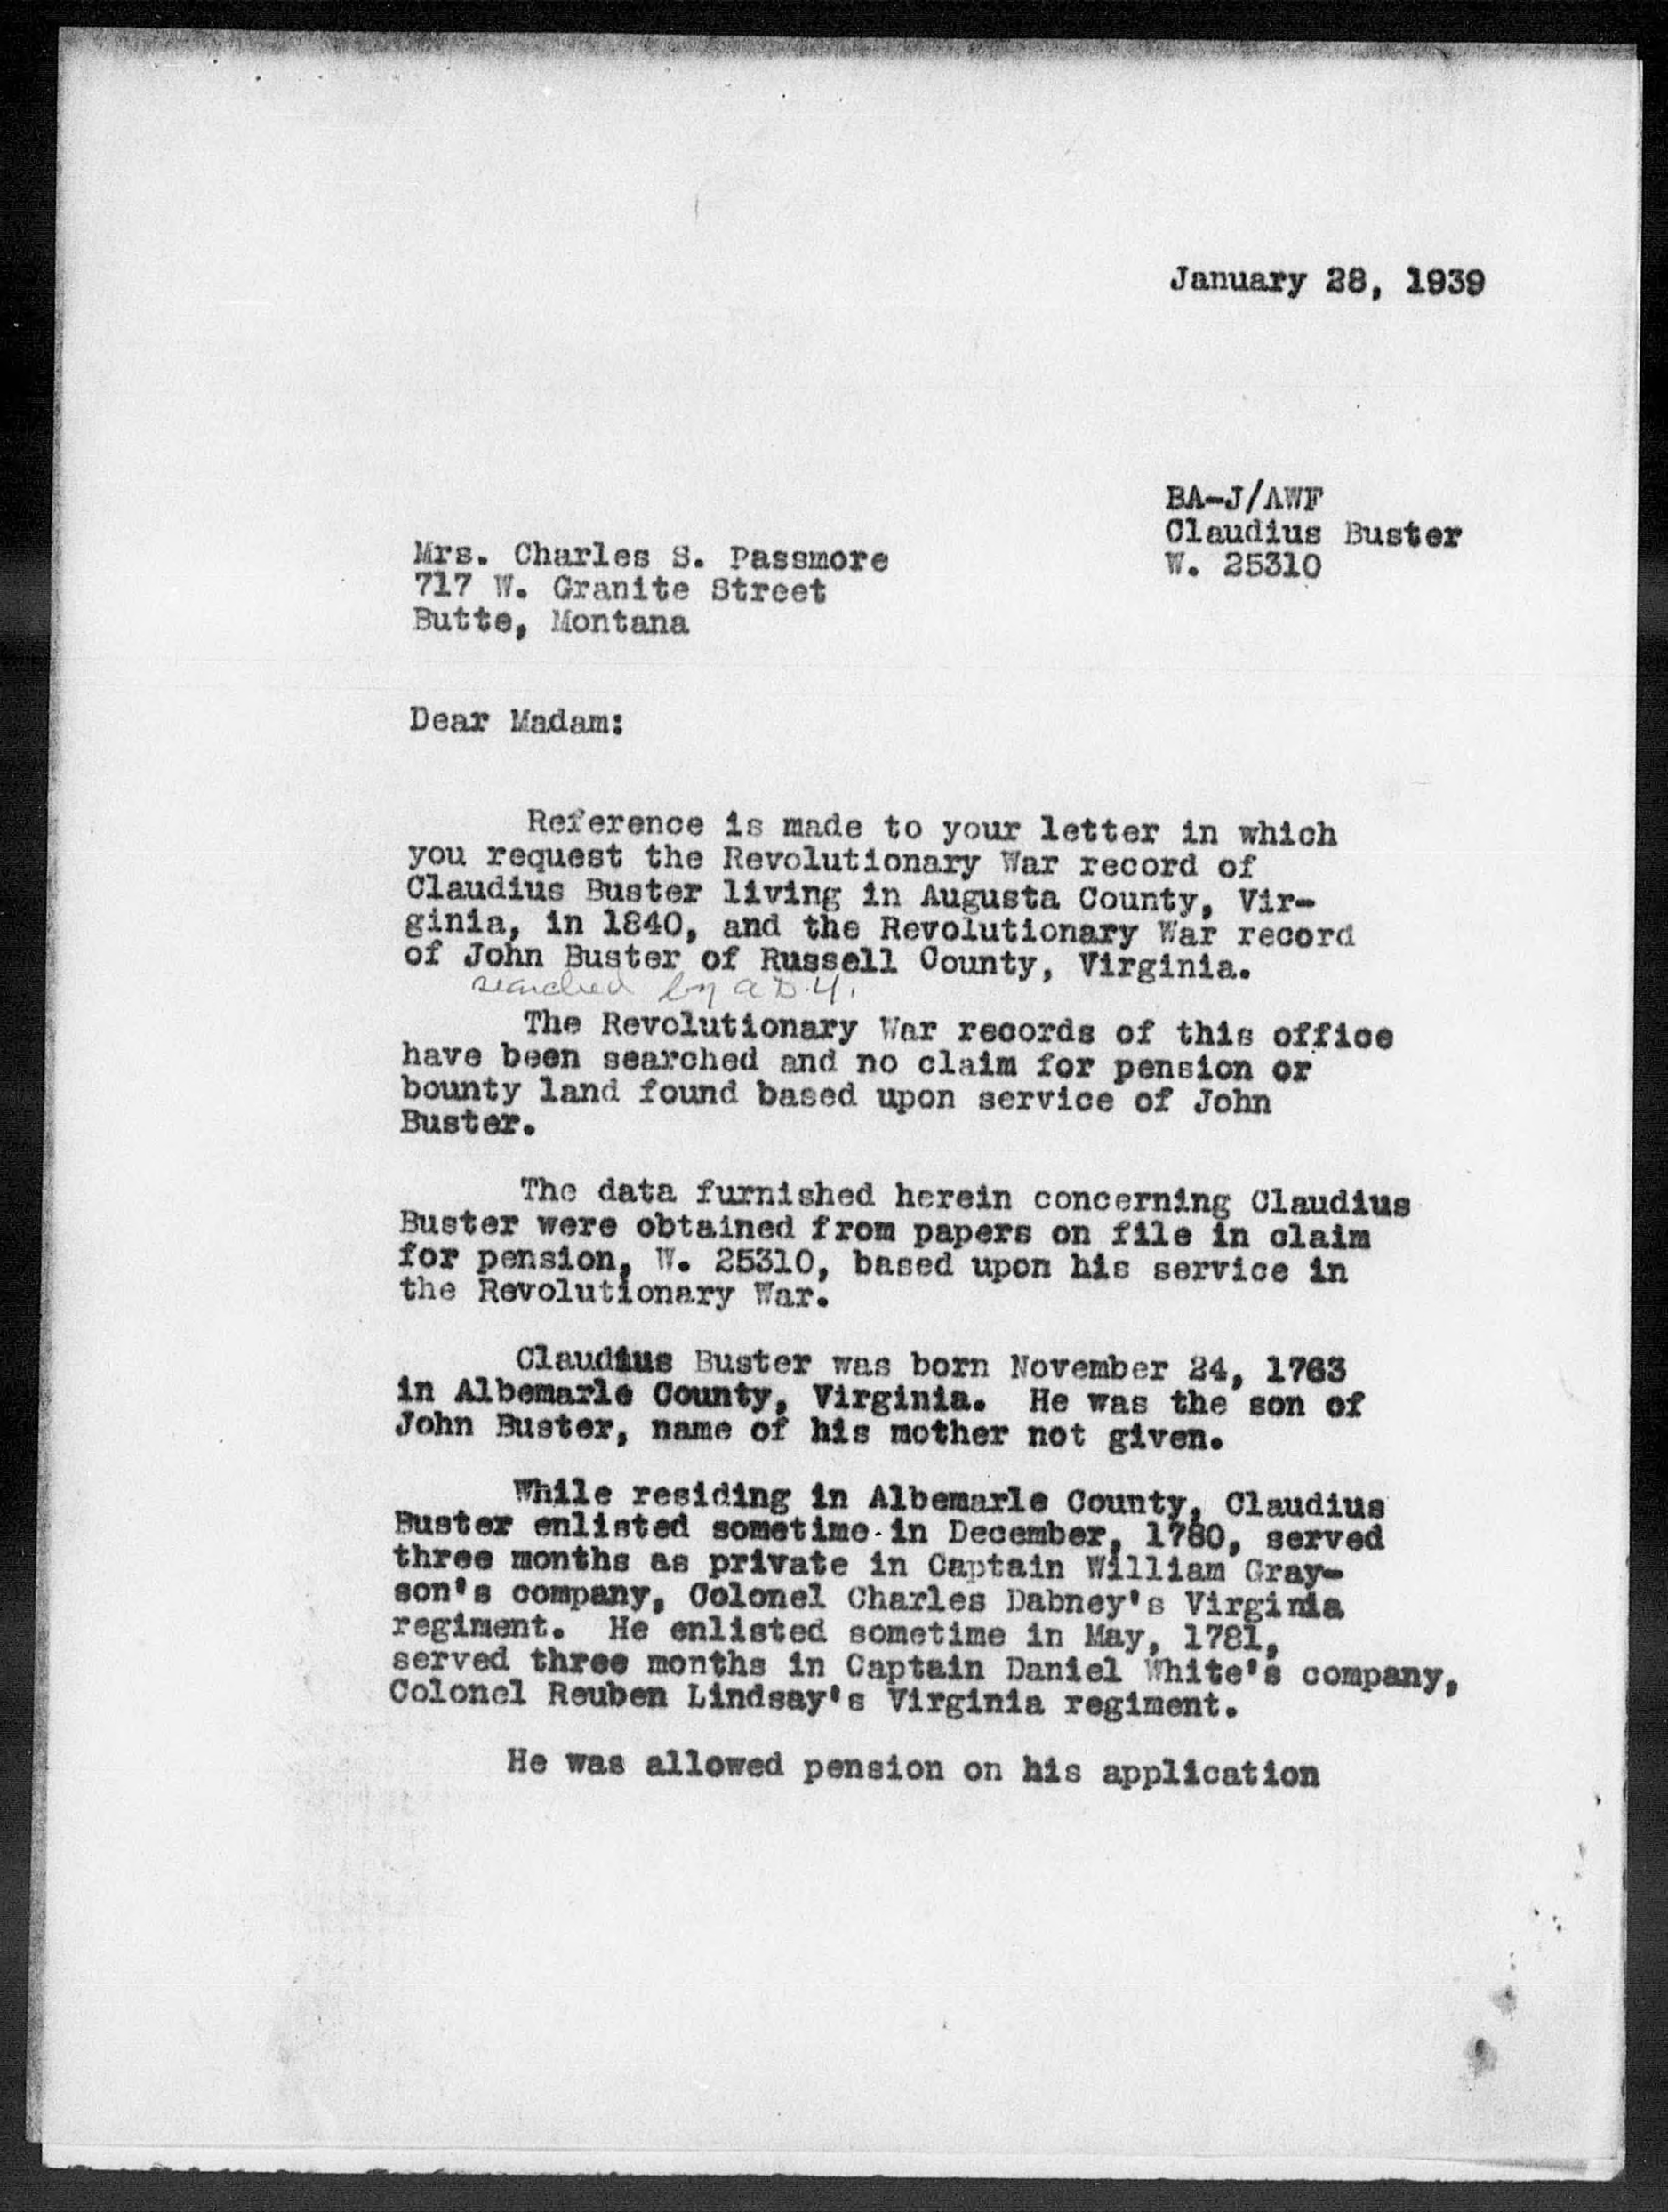January 28, 1939

AB-J/AWF
Claudius Buster
W. 25310

Mrs. Charles S. Passmore
717 W. Granite Street
Butte, Montana

Dear Madam:

Reference is made to your letter in which you request the Revolutionary War record of Claudius Buster living in Augusta County, Virgina, in 1840, and the Revolutionary War record of John Buster of Russell County, Virginia.
searched by a B. Y.

The Revolutionary War records of this office have been searched and no claim for pension or bounty land found based upon service of John Buster.

The data furnished herein concerning Claudius Buster were obtained from papers on file in claim for pension, W. 25310, based upon his service in the Revolutionary War.

Claudius Buster was born November 24, 1763 in Albemarle County, Virginia. He was the son of John Buster, name of his mother not given.

While residing in Albemarle County, Claudius Buster enlisted sometime in December, 1780, served three months as private in Captain William Grayson's company, Colonel Charles Dabney's Virginia regiment. He enlisted sometime in May, 1781, served three months in Captain Daniel White's company, Colonel Reuben Lindsay's Virginia regiment.

He was allowed pension on his application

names: John Buster, Claudius Buster, John Buster, Claudius Buster, Claudius Buster, Charles S Passmore, John Buster, Claudius Buster, Claudius Buster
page: 19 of 71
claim: widow's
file: W. 25310, Claudius Buster, Va.